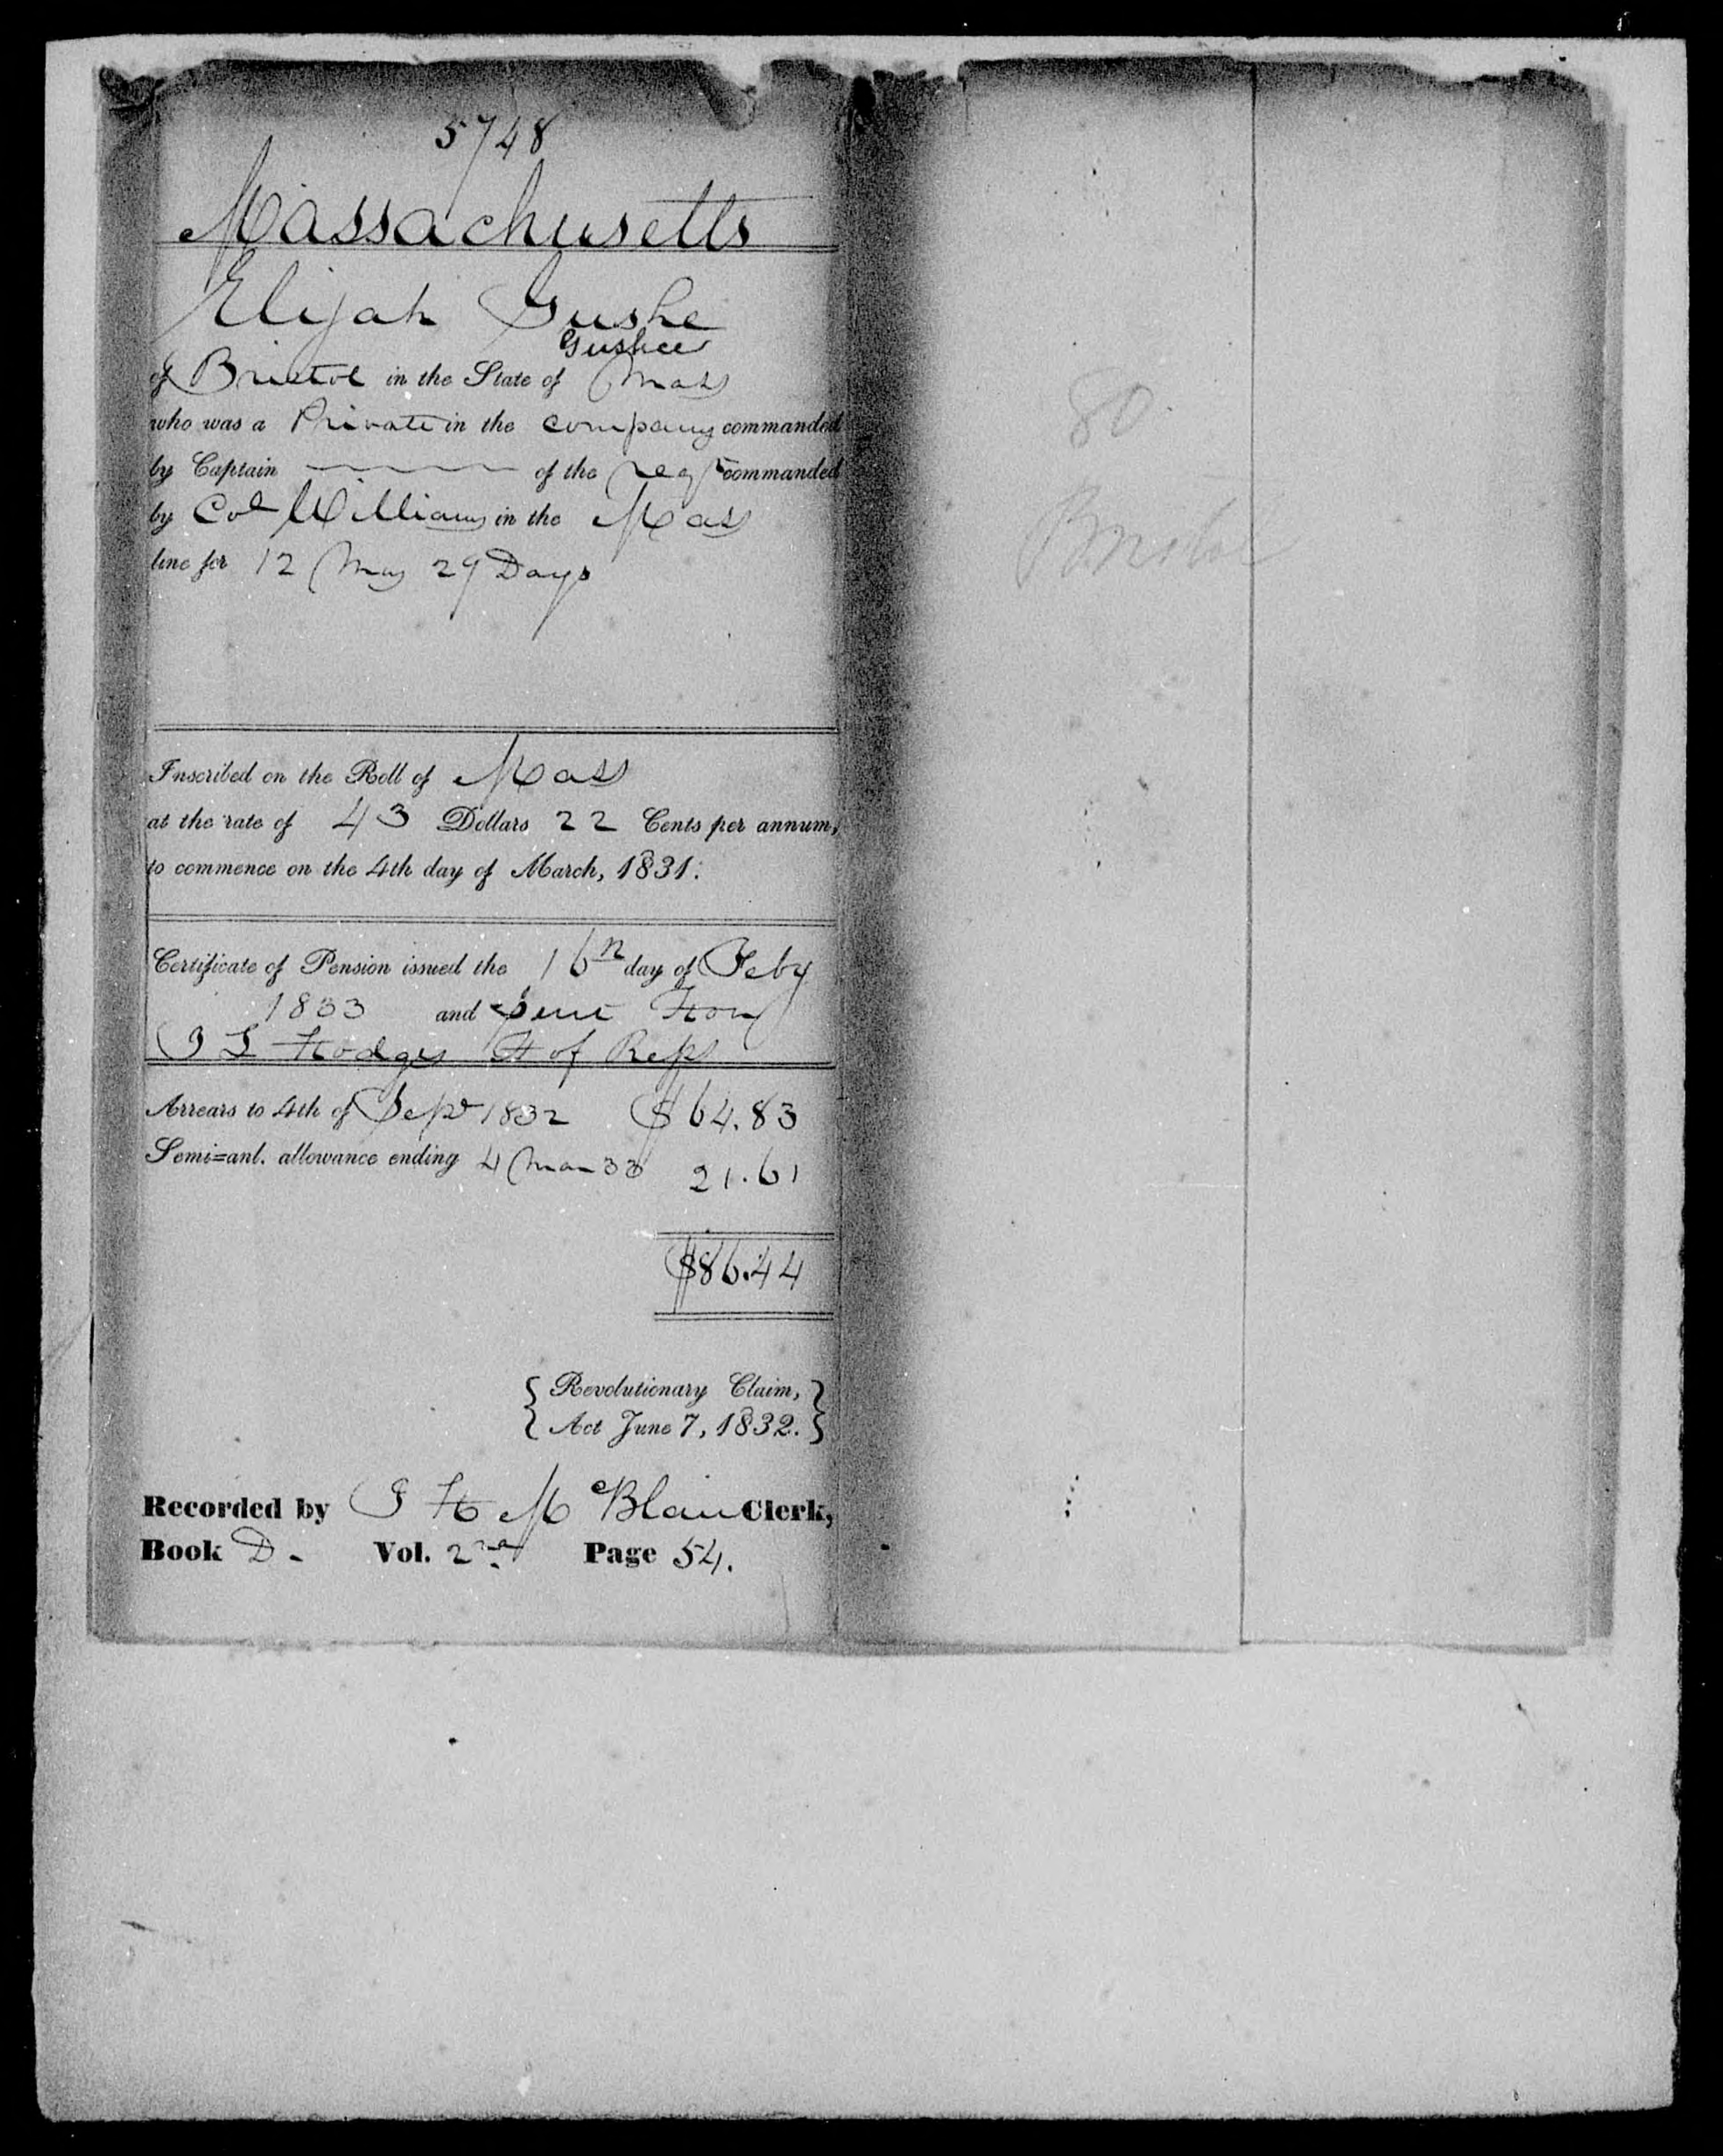5748
Massachusetts
Elijah Gushe (Gushee)
of Briton in the State of Mass who was a Private in the company commanded by Captain ____of the reg Commanded by Col Williams in the Mass line for 12 Mos 29 Days

Inscribed on the Roll of Mass at the rate of 43 Dollars 22 Cents per annum to commence on the 4th day of March 1831: 

Certificate of Pension issued the 16th day of Beby 1833 and Sent (?)
J L Hodges H of Reps

Arrears to 4th Sept 1832   $64.83
Semi=anl. allowance ending 4 mon 33  $21.61
Total  $84.44

{Revolutionary Claim, Act June 7, 1832.}

Recorded by J H Mc Blair  Clerk, 
Book D.  Vol. 2  Page 54.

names: Elijah Gushe, J H Mc Blair, Elijah Gushee, J L Hodges, Williams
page: 2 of 36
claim: widow's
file: W. 8838, Elijah Gushee, Mass.